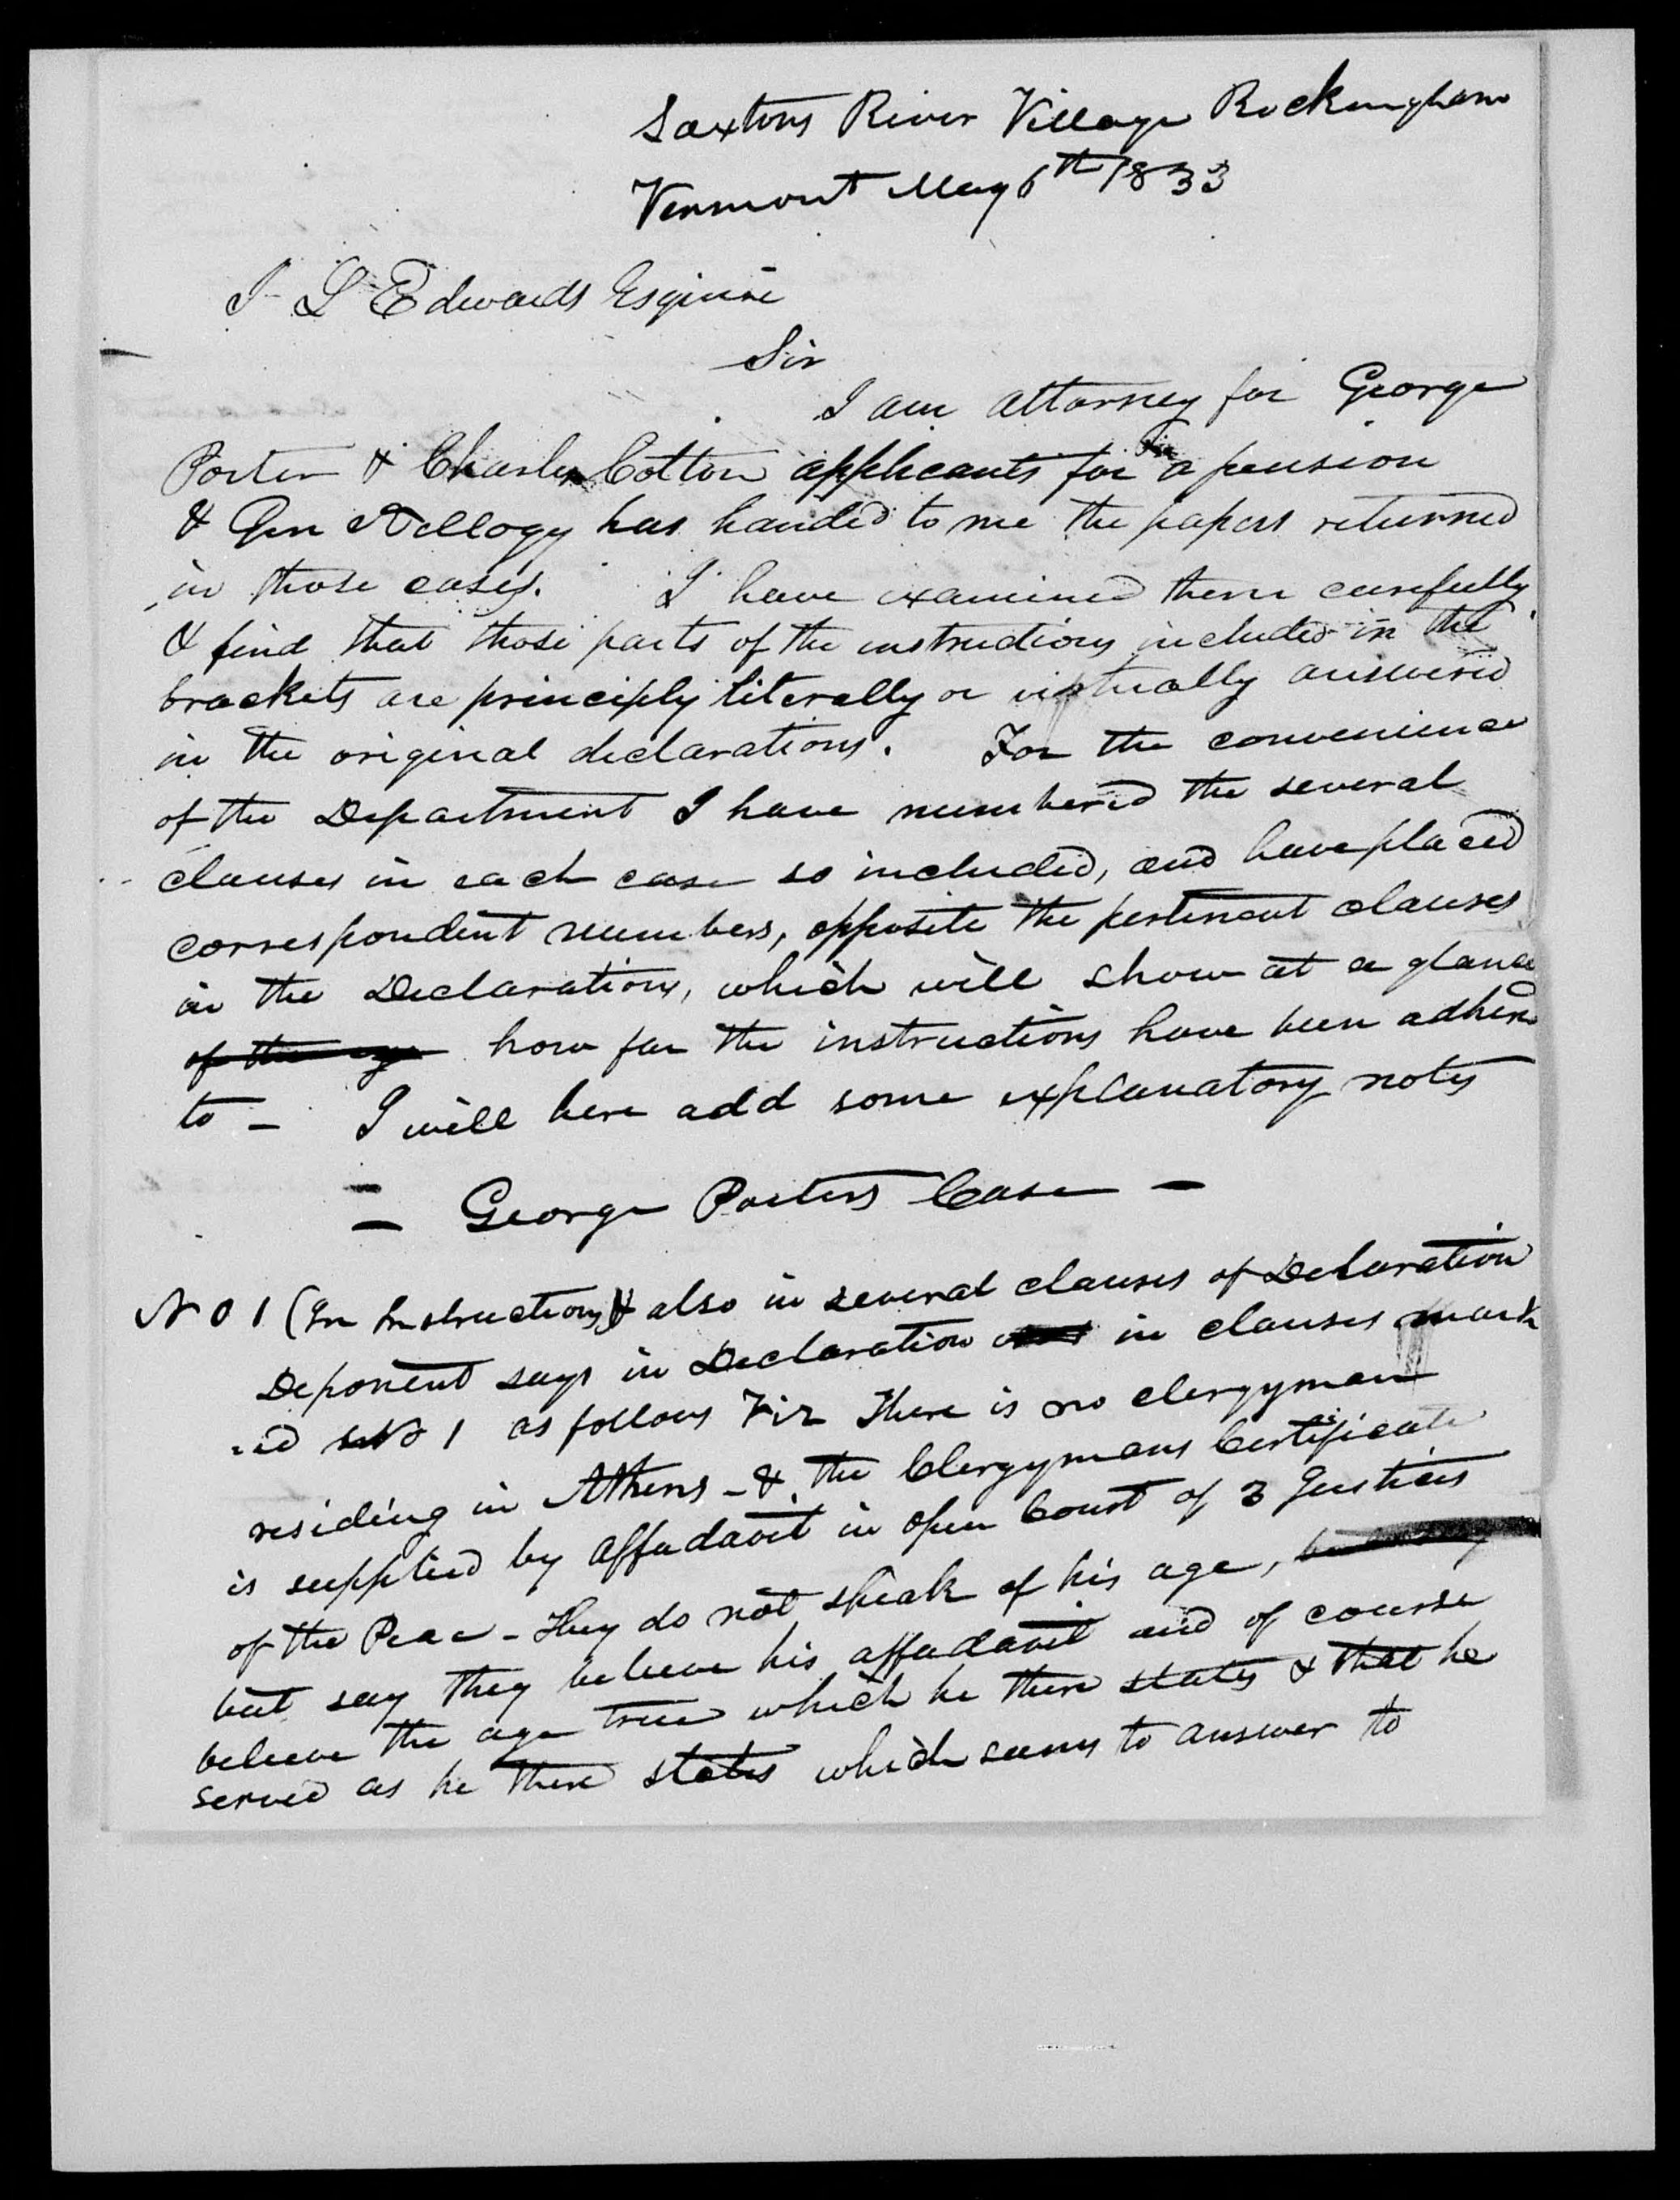Saxtons River Village Rockingham
Vermont May 6th 1833

J L Edwards Esquire

Sir
I am attorney for George Porter & Charles Colton applicants for a pension & [illegible] has handed to me the papers returned in those cases. I have examined them carefully, & find that those parts of the instructions included in the brackets are principly literally or virtually answered in the original declarations. For the convenience of the Department I have numbered the several clauses in each case so included, and have placed correspondent numbers, opposite the pertinent clauses in the Declaration, which will show at a glance [crossed out: of the eye] of how far the instructions have been adhered to. I will here add some explanatory notes

George Porters Case
No 1 (In Instruction &) also in several clauses of Declaration Deponent says in declaration in clauses marked No 1 as follows viz There is no clergyman residing in Athens & the Clergymans Certificate is supplied by affidavit in open Court of Justices of the Peace. They do not speak of his age, but say they believe his affidavit and of course believe the age true which he then states & that he served as he there states which seems to answer to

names: George Porter; J L Edwards; Charles Cotton; [BLANK] Kellogg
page: 43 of 49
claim: widow's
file: W. 2164, for George Porter, Massachusetts